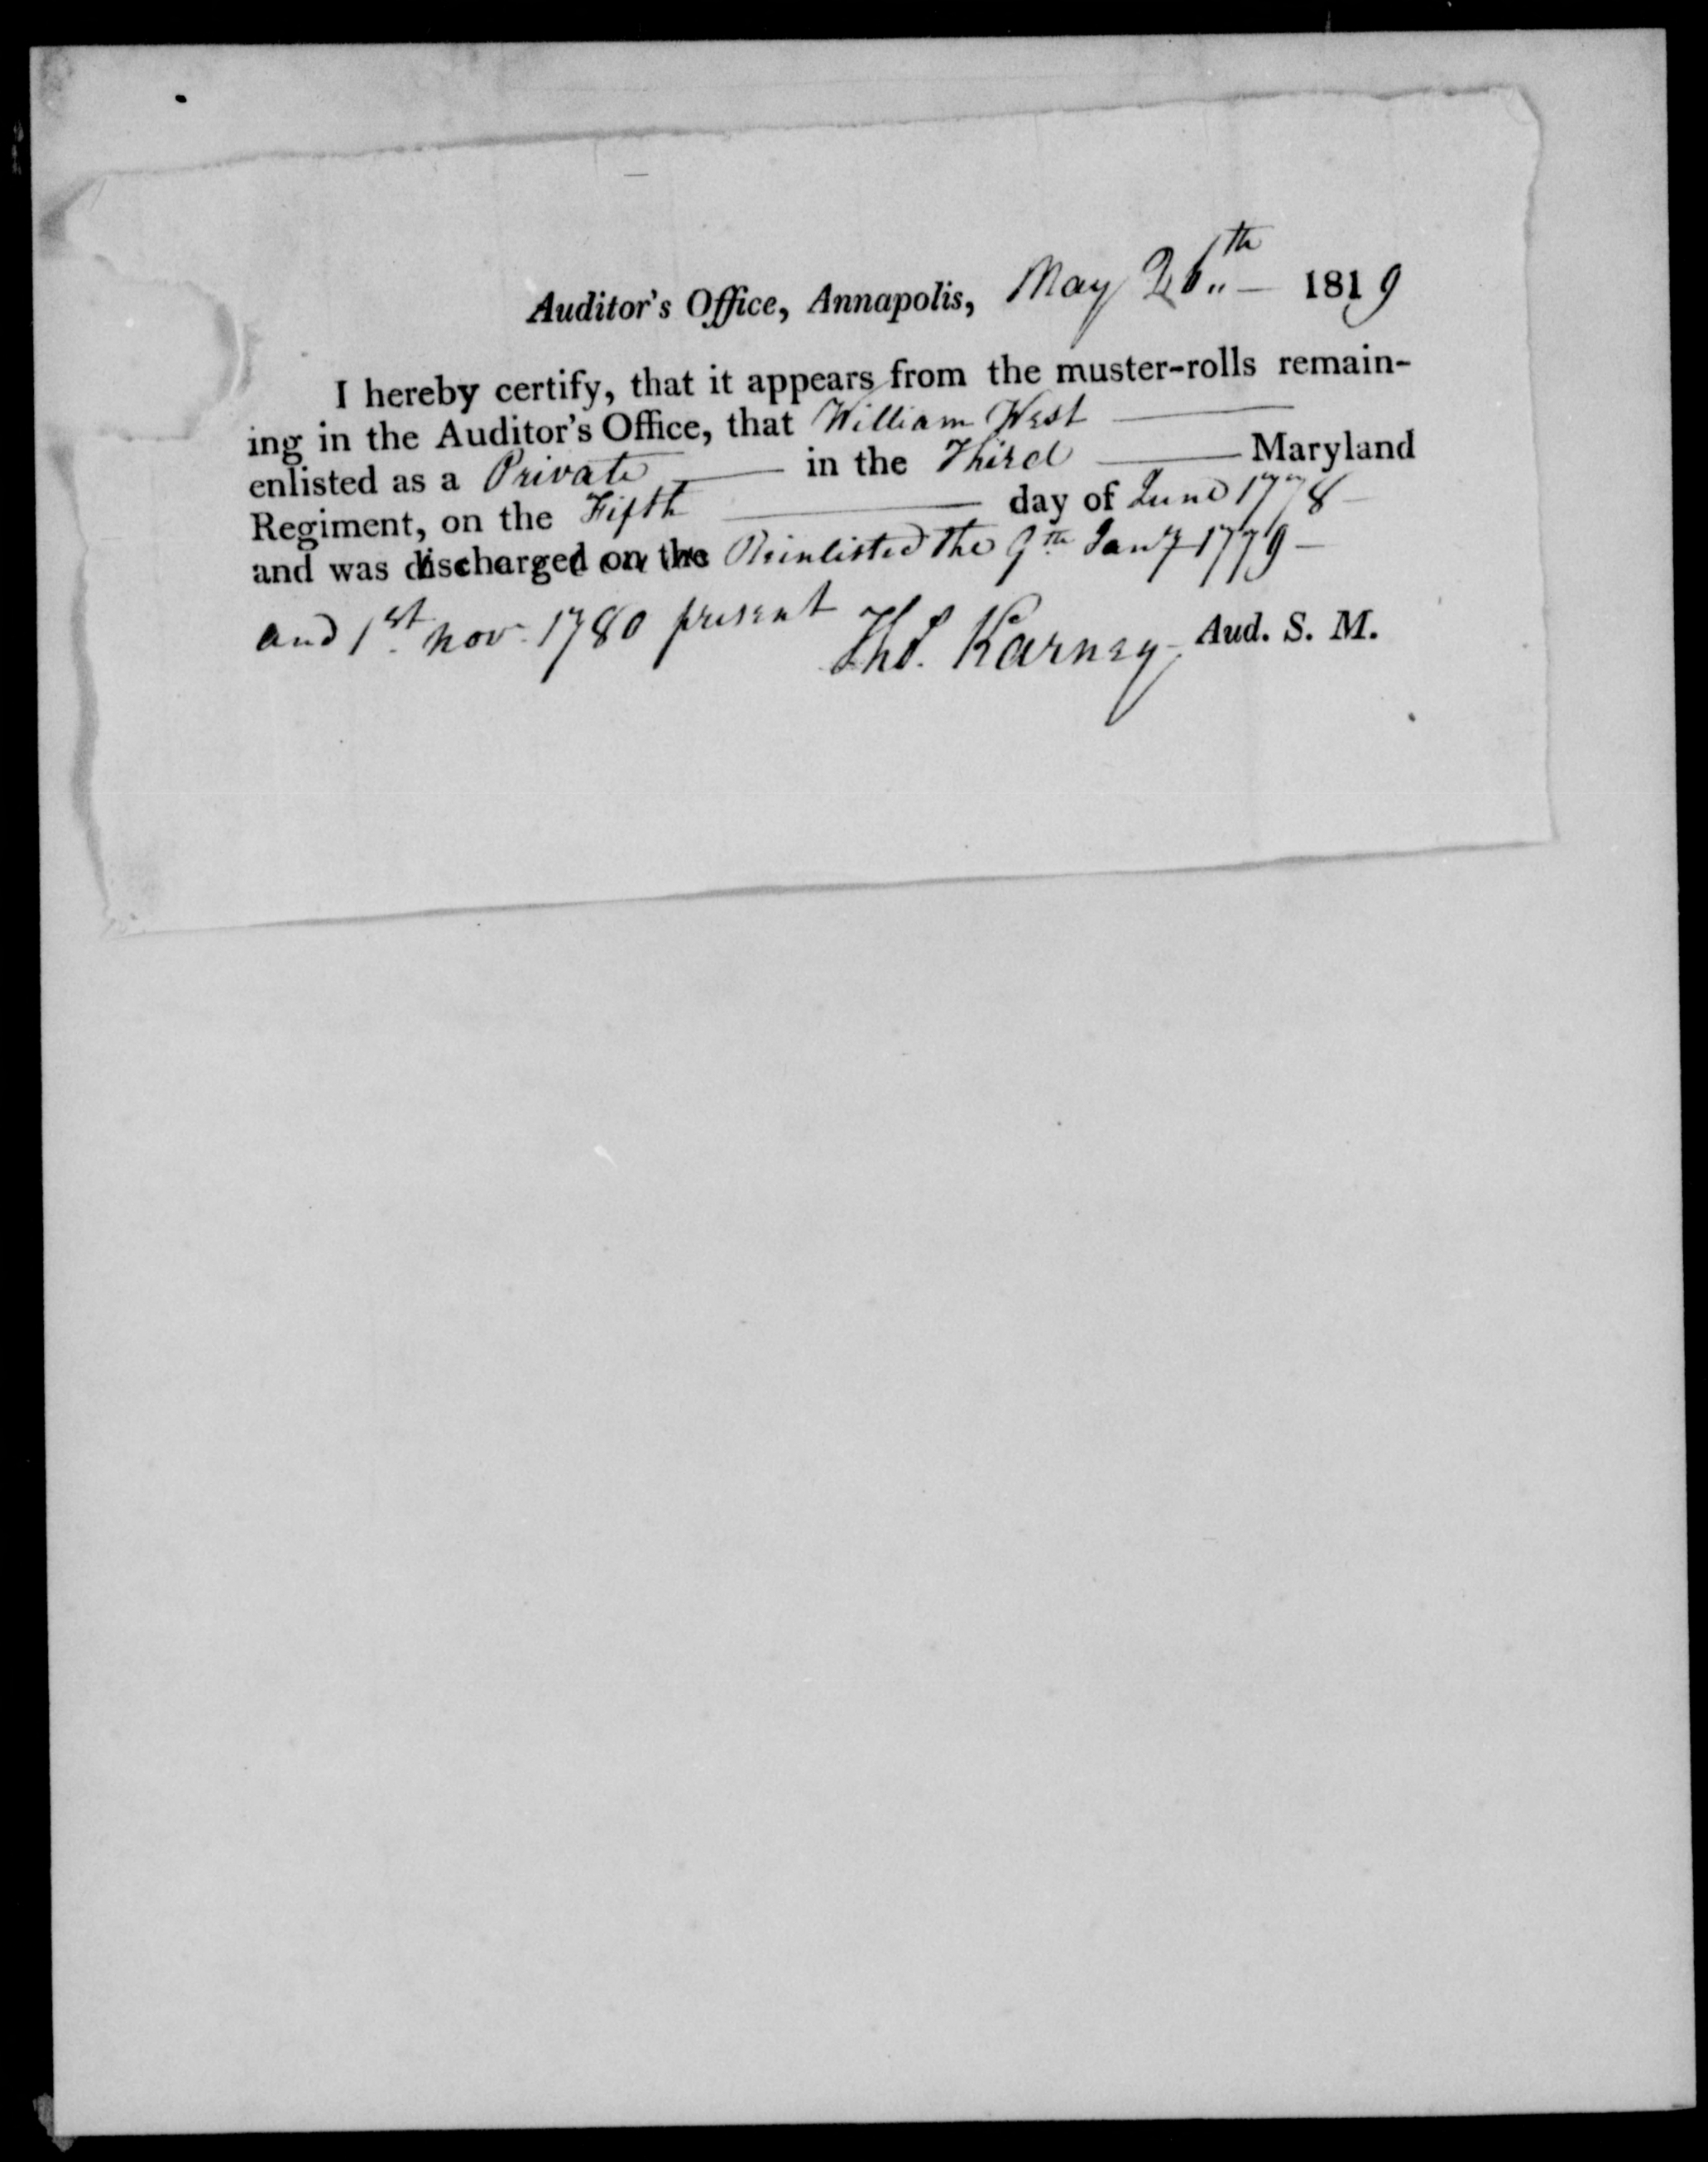Auditor's Office, Annapolis, May 26th 1819
I hereby certify, that it appears from the muster-rolls remaining
in the Auditor's Office, that William West
enlisted as a private in the Third Maryland
Regiment, on the Fifth day of June 1778-
and was [overwritten text: discharged on the] Reinlisted the 9th January 1779-
and 1st Nov. 1780 present Thd. Karney Aud. S.M.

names: William West, Thos Karney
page: 8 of 12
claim: survivor's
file: S. 42060, William West, Md.